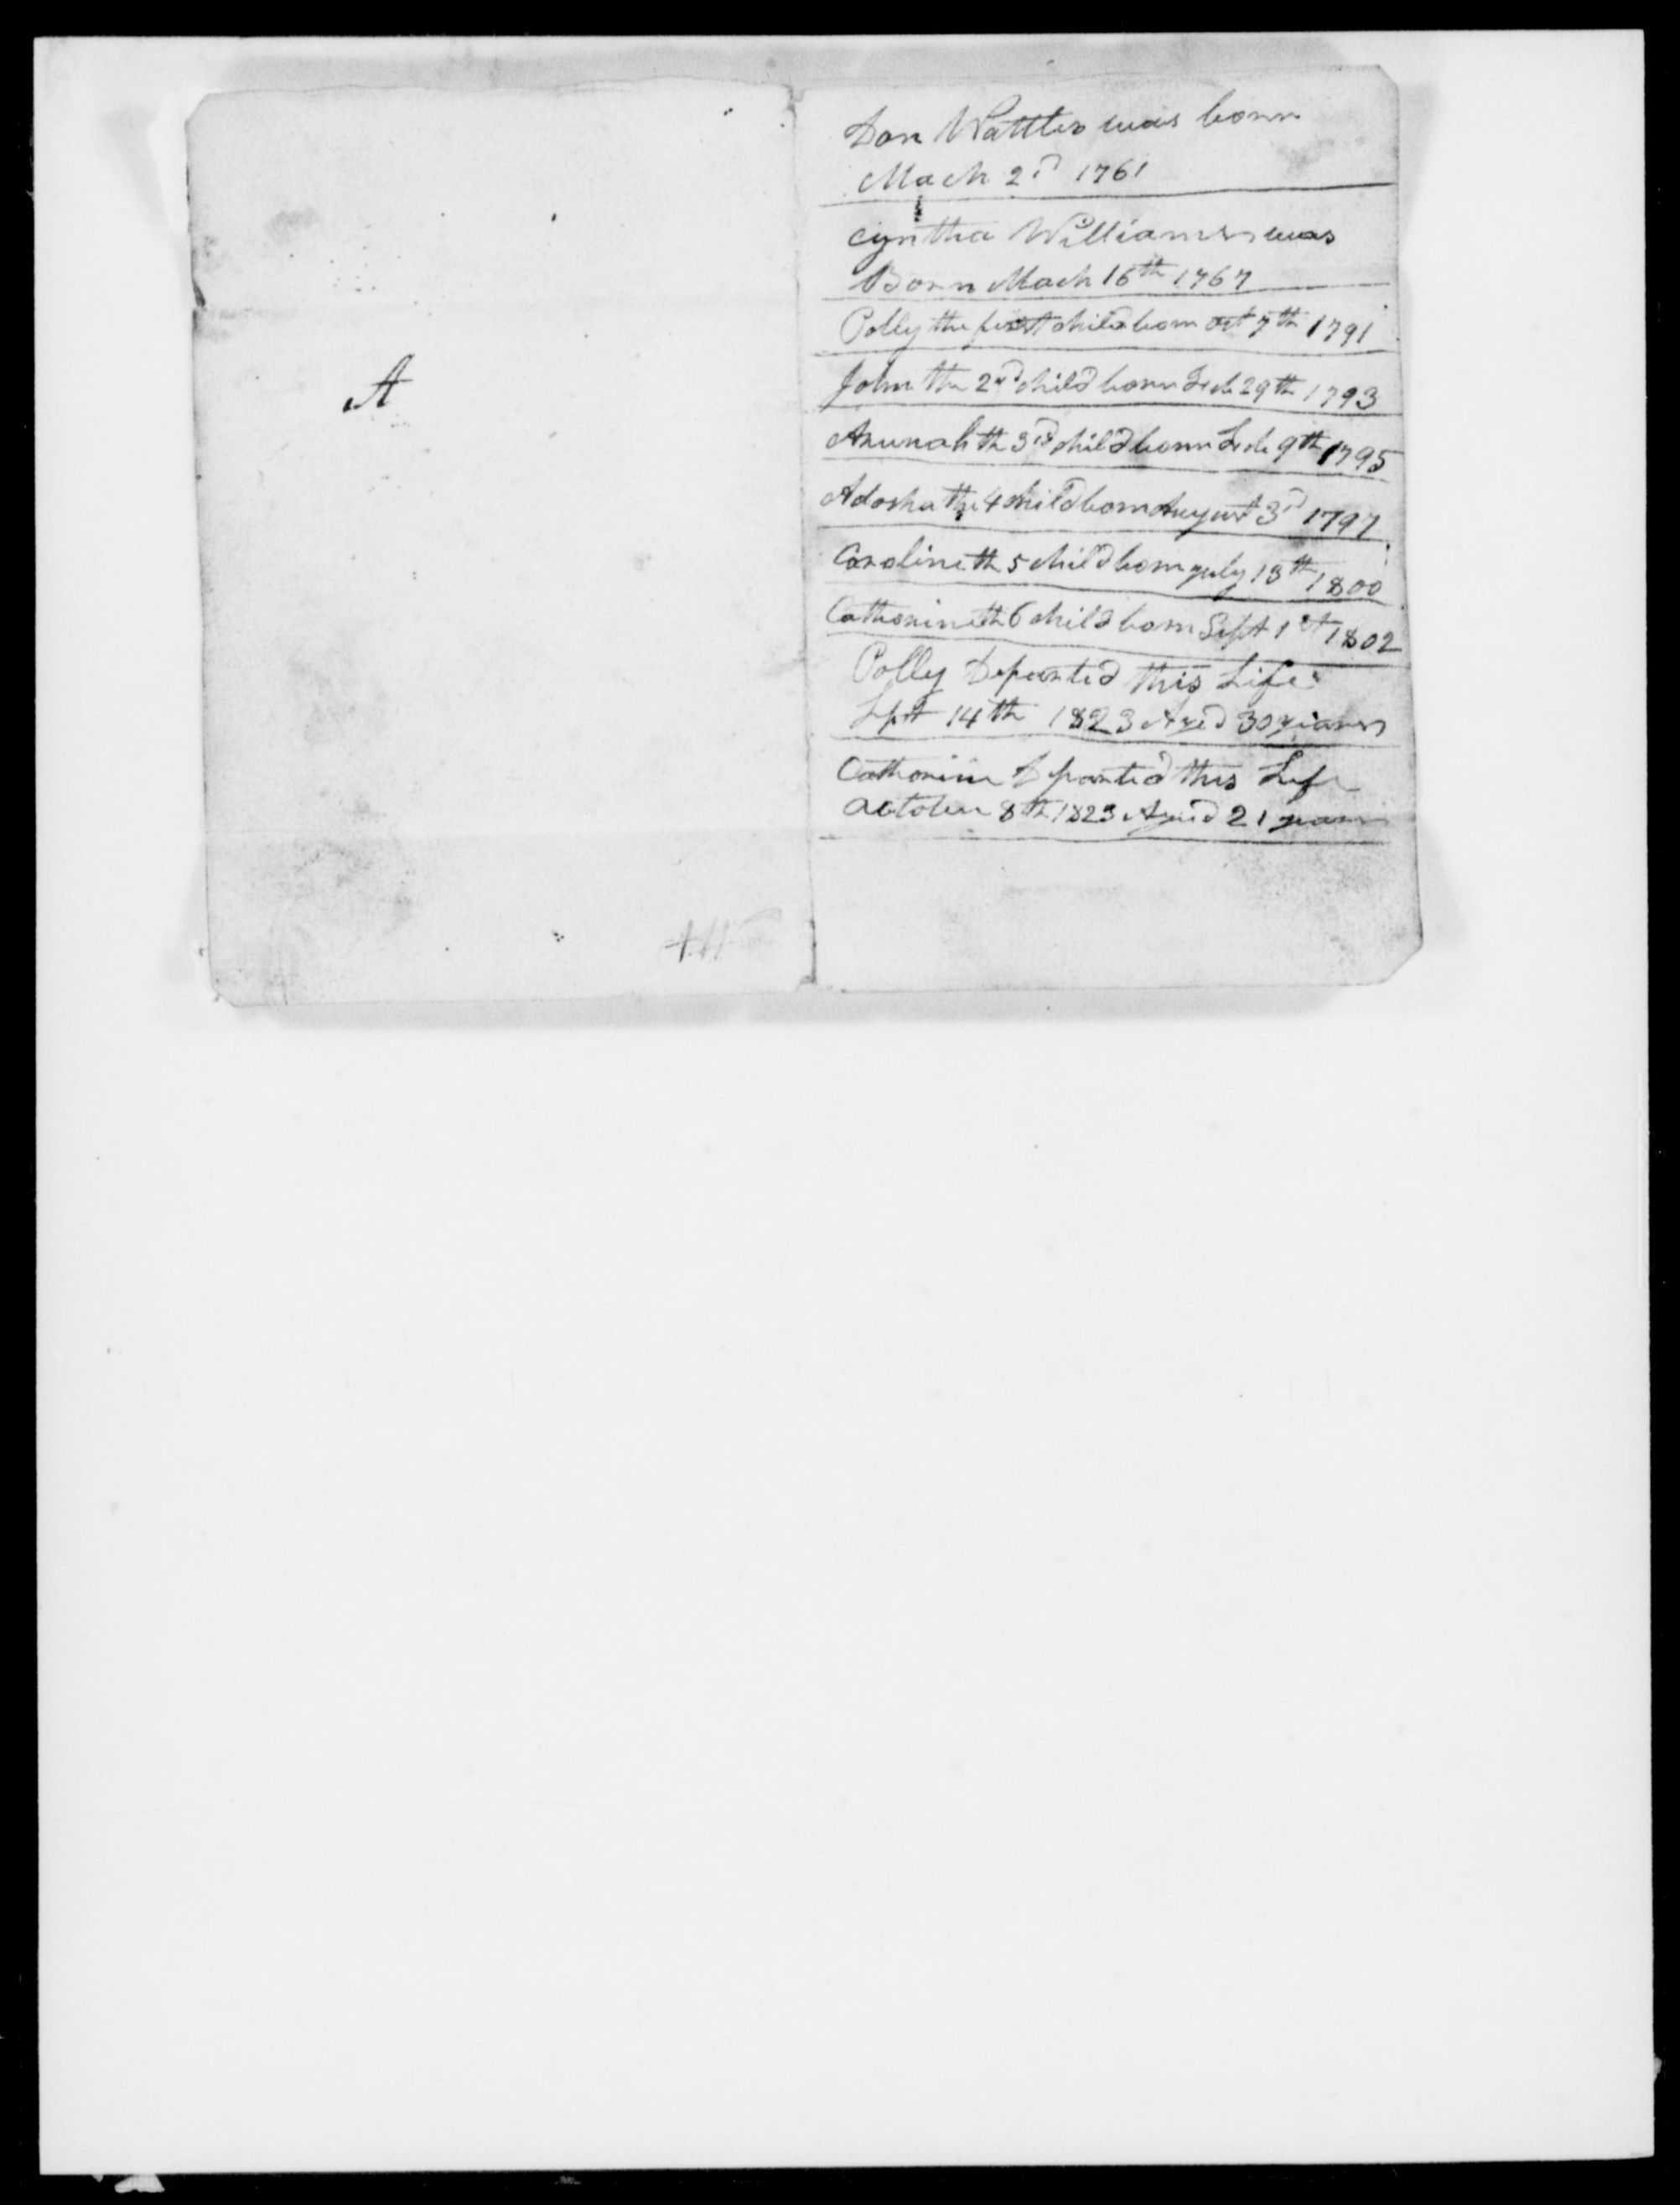Dan Wattles was born
March 2d 1761
---------------------------------
Cynthia Williams was
Born March 16th 1767
---------------------------------
Polly the first child born Oct 7th 1791
----------------------------------
John the 2nd child born Feb 29 1793
----------------------------------
Arunah the 3rd child born [    ] 9th 1795
----------------------------------
Adosha the 4th child born August 3rd 1797
-----------------------------------
Caroline the 5 child born July 13 1800
-----------------------------------
Catherine the 6 child born Sept 1st 1802
-----------------------------------
Polly departed this Life
Sept 14th 1823 aged 30 years
------------------------------------
Catherine departed this Life
October 8th 1823 aged 21 years
------------------------------------


A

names: Cyntha Williams, Dan Wattles, Polly, Caroline, Catherine, Arunah, John, Adosha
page: 10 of 70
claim: widow's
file: W. 3743, Dan Wattles, Conn.